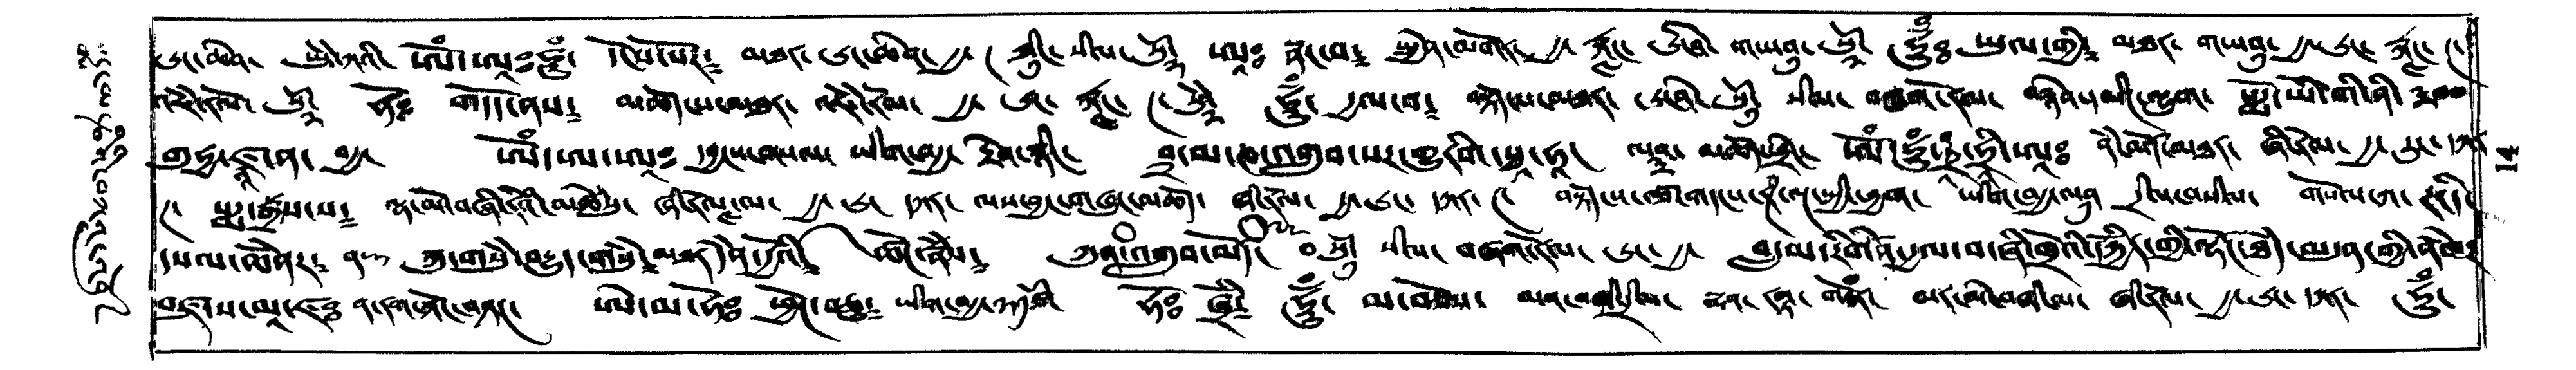དུང་ཆེན། ཡུམ་ཀའི། ཨོཾ་ཨཱཿཧཱུྃཿ དངོས་པོར༴ མཐར་དུང་ཆེན་རྒྱ ཌཱ་ཐིང་གཅིག སིལ། སུམ་གཉིས། ཨཱཿ སྣང་བ༴ སྤྱན་འདྲེན་མགོར། རྒྱ་རྐང་བཞི། དུང་ཆེན། གཡབ་གཅིག སུམ་གཉིས། ཧཱུྃ༔ ཡུལ་གྱི༴ མཐར་གཡབ་གཅིག རྒྱ་དུང་རྐང་བཞི། 
ཌཱ། འཇམ་རོལ། སུམ་གཉིས། ཧོཿ གདོད་ནས༴ མཆོད་པའི་མཐར་འཇམ་རོལ། རྒྱ་དུང་རྐང་བཞི། ཌཱ། སུམ་གཉིས། ཧཱུྃཿ རྒྱལ་བ༴ བསྟོད་པའི་མཐར། དུང་ཆེན། སུམ་གཅིག སིལ་བཞག་རོལ། བསྙེན་དམིགས་ལྷུག་པདྨོ་ཡོ་གི་ནི་གསུམ་བརྒྱ། 
གུཧྱ་ཛྙཱ་ན༴ བརྒྱ། ཨོཾ་ཨ་ཨཱཿ སོགས་དབྱངས་གསལ། ཡིག་བརྒྱ། རྟེན་སྙིང་། ཤྲ་མ་ཎ་འགྲུབ་པར་གྱུར་ཅིག་སྭ་ཧཱ། ལན་གསུམ། མཆོད་ཕྲེང་། ཨོཾ་ཧཱུྃ་ཏྲཱཾ་ཧྲཱི་ཨཱཿ ནམ་མཛོད་མཐར་ཞི་རོལ། རྒྱ་དུང་དཀར་
ཌཱ། པདྨ་རྒྱས་པ༴ ལྷ་མོ་བཞི་རེའི་མཚས་སུ་ཞི་རོལ་བཞི་ལ། རྒྱ་དུང་དཀར། ལས་བྱང་གཞུང་མཆོད། ཞི་རོལ། རྒྱ་དུང་དཀར། ཌཱ། བསྟོད་པ་རྩ་གདངས། རིགས་ལྔ་སྤྱི་ཕྱག ཡིག་བརྒྱ་ལན་གཅིག དྲིལ་བསིལ། གསོལ་ཀ རང་ཉིད་
དཔལ་ཆེན་པོར༴ ནས་སྐུ་གསུམ་བརྒྱུད་གསུམ༴ མཐར། དམ་ཆེན་རྒྱ་མཚོའི་ཚོགས་རྣམས༴ ཀུན་འགྲུབ་མཛོད། སུམགཅིག སིལ། ཞག་རོལ། དུང་རྒྱ། བླ་མ་རིག་འཛིན་རྒྱལ་བ་ཞི་ཁྲོའི་དཀྱིལ་འཁོར་ལྷ་ཚོགས་ཐམས་ཅད་བདུན་གྱི་ནམ་མཁའ་
བཛྲ་ས་མཱ་ཛཿན་རག་སྐོང་ཤགས། ཨེ་མ་ཧོཿ ཕྱོགས་བཅུ༴ ཡིག་བརྒྱ་ཉེར་གཅིག ཙམ། ཧོཿ ཞི་ཁྲོ༴ ཧཱུྃཿ མ་བཅོས༴ ལ་བཞི་དྲིལ། སྨན་རཀྟ། གཏོར་མ། མར་མེ་བཞི་ལ། ཎི་རོལ། རྒྱ་དུང་དཀར། ཧཱུྃཿ